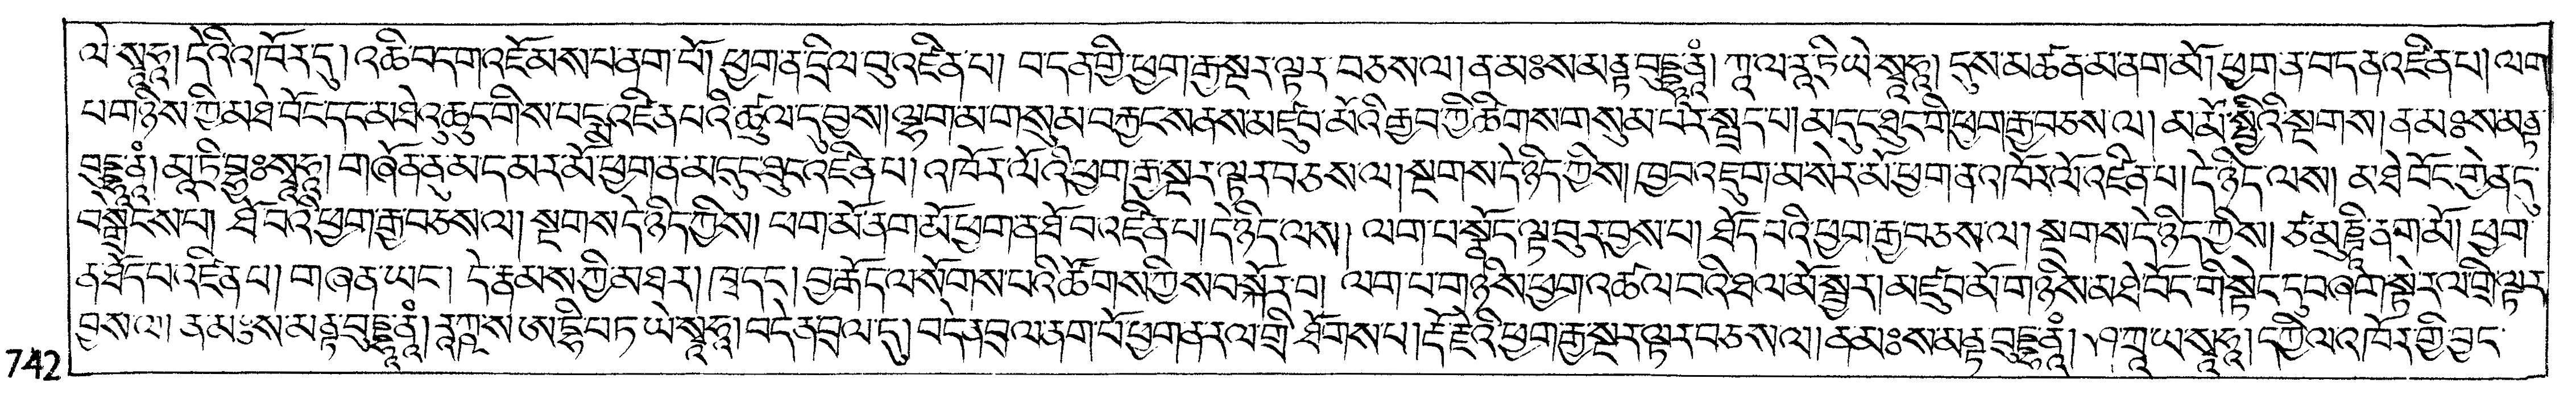ལེ་སྭཱཧཱ། དེའི་འཁོར་དུ། འཆི་བདག་འཇོམས་པ་ནག་པོ། ཕྱག་ན་དྲིལ་བུ་འཛིན་པ། བ་དན་གྱི་ཕྱག་རྒྱ་སྔར་ལྟར་བཅས་ལ། ན་མཿ ས་མནྟ་བུདྡྷཱ་ནཱཾ། ཀཱ་ལ་རཱ་ཏྲི་ཡེ་སྭཱཧཱ། དུས་མཚན་མ་ནག་མོ། ཕྱག་ན་བ་དན་འཛིན་པ། ལག་
པ་གཉིས་ཀྱི་མཐེ་བོང་དང་མཐེའུ་ཆུང་གིས་པདམ་འཛིན་པའི་ཚུལ་དུ་བྱས། ལྷག་མ་གསུམ་བརྐྱངས་ནས་མཛུབ་མོའི་རྒྱབ་ཀྱི་ཚིགས་གསུམ་པར་སྤྲད་པ། མདུང་ཐུང་གི་ཕྱག་རྒྱ་བཅས་ལ། མ་མོ་སྤྱིའི་སྔགས། ན་མཿ ས་མནྟ་
བུདྡྷཱ་ནཱཾ། མཱ་ཏྲི་བྷྱཿ སྭཱཧཱ། གཞོན་ནུ་མ་དམར་མོ་ཕྱག་ན་མདུང་ཐུང་འཛིན་པ། འཁོར་ལོའི་ཕྱག་རྒྱ་སྔར་ལྟར་བཅས་ལ། སྔགས་དེ་ཉིད་ཀྱིས། ཁྱབ་འཇུག་མ་སེར་མོ་ཕྱག་ན་འཁོར་ལོ་འཛིན་པ། དེ་ཉིད་ལས། མཐེ་བོང་གྱེན་དུ་
བསྒྲེངས་པ། ཐོ་བའི་ཕྱག་རྒྱ་བཅས་ལ། སྔགས་དེ་ཉིད་ཀྱིས། ཕག་མོ་ནག་མོ་ཕྱག་ན་ཐོ་བ་འཛིན་པ། དེ་ཉིད་ལས། ལག་པ་སྣོད་ལྟ་བུར་བྱས་པ། ཐོད་པའི་ཕྱག་རྒྱ་བཅས་ལ། སྔགས་དེ་ཉིད་ཀྱིས། ཙ་མུཎྜཱི་ནག་མོ། ཕྱག་
ན་ཐོད་པ་འཛིན་པ། གཞན་ཡང་། དེ་རྣམས་ཀྱི་མཐར། ཁྭ་དང་། བྱ་རྒོད་ལ་སོགས་པའི་ཚོགས་ཀྱིས་བསྐོར་བ། ལག་པ་གཉིས་ཕྱག་འཚལ་བའི་ཐལ་མོ་སྦྱར། མཛུབ་མོ་གཉིས་མཐེ་བོང་གི་སྟེང་དུ་བཞག་སྟེ་རལ་གྲི་ལྟར་
བྱས་ལ། ན་མཿ ས་མནྟ་བུདྡྷཱ་ནཱཾ། རཱཀྵ་ས་ཨ་དྷི་པཏ་ཡེ་སྭཱཧཱ། བདེན་བྲལ་དུ། བདེན་བྲལ་ནག་པོ་ཕྱག་ན་རལ་གྲི་ཐོགས་པ། རྡོ་རྗེའི་ཕྱག་རྒྱ་སྔར་ལྟར་བཅས་ལ། ན་མཿ ས་མནྟ་བུདྡྷ་ནཱཾ། ཤ་ཀྲཱ་ཡ་སྭཱཧཱ། དཀྱིལ་འཁོར་གྱི་བྱང་